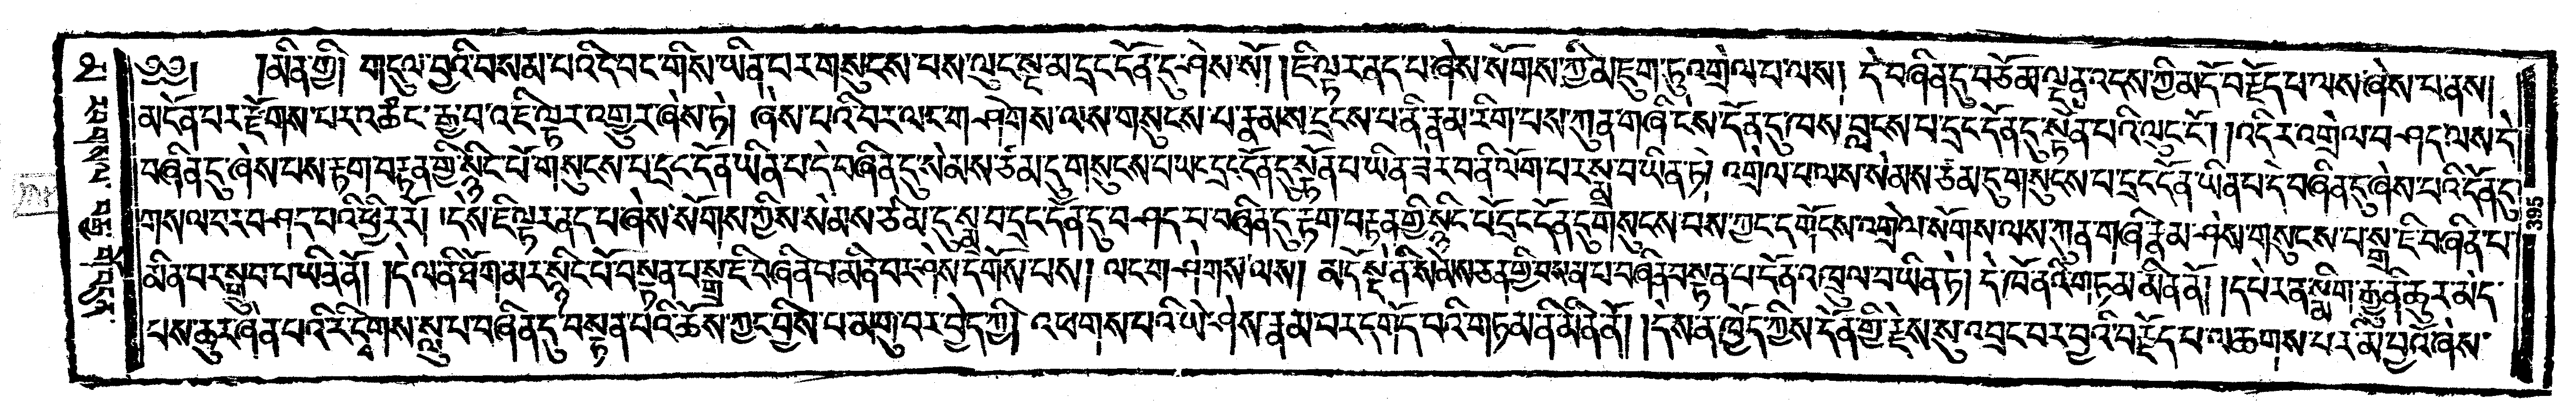༄༅། །མིན་གྱི། གདུལ་བྱའི་བསམ་པའི་དབང་གིས་ཡིན་པར་གསུངས་པས་ལུང་སྔ་མ་དྲང་དོན་དུ་ཤེས་སོ། །ཇི་ལྟར་ནད་པ་ཞེས་སོགས་ཀྱི་མཇུག་ཏུ་འགྲེལ་པ་ལས། དེ་བཞིན་དུ་བཅོམ་ལྡན་འདས་ཀྱི་མདོ་བརྗོད་པ་ལས་ཞེས་པ་ནས།
མངོན་པར་རྫོགས་པར་འཚང་རྒྱ་བ་ཇི་ལྟར་འགྱུར་ཞེས་ཏེ། ཞེས་པའི་བར་ལང་གཤེགས་ལས་གསུངས་པ་རྣམས་དྲངས་པ་ནི་རྣམ་རིག་པས་ཀུན་གཞི་ངེས་དོན་དུ་ཁས་བླངས་པ་དྲང་དོན་དུ་སྟོན་པའི་ལུང་ངོ། །འདིར་འགྲེལ་བཤད་ལས་དེ་
བཞིན་དུ་ཞེས་པས་རྟག་བརྟན་གྱི་སྙིང་པོ་གསུངས་པ་དྲང་དོན་ཡིན་པ་དེ་བཞིན་དུ་སེམས་ཙམ་དུ་གསུངས་པ་ཡང་དྲང་དོན་དུ་སྟོན་པ་ཡིན་ཟེར་བ་ནི་ལོག་པར་སྨྲ་བ་ཡིན་ཏེ། འགྲེལ་པ་ལས་སེམས་ཙམ་དུ་གསུངས་པ་དྲང་དོན་ཡིན་པ་དེ་བཞིན་དུ་ཞེས་པའི་དོན་དུ་
གསལ་བར་བཤད་པའི་ཕྱིར་རོ། །དེས་ཇི་ལྟར་ནད་པ་ཞེས་སོགས་ཀྱིས་སེམས་ཙམ་དུ་སྨྲ་བ་དྲང་དོན་དུ་བཤད་པ་བཞིན་དུ་རྟག་བརྟན་གྱི་སྙིང་པོ་དྲང་དོན་དུ་གསུངས་པས་ཀྱང་དགོངས་འགྲེལ་སོགས་ལས་ཀུན་གཞི་རྣམ་ཤེས་གསུངས་པ་སྒྲ་ཇི་བཞིན་པ་
མིན་པར་སྒྲུབ་པ་ཡིན་ནོ། །དེ་ལ་ནི་ཐོག་མར་སྙིང་པོ་བསྟན་པ་སྒྲ་ཇི་བཞིན་པ་མིན་པར་ཤེས་དགོས་པས། ལང་གཤེགས་ལས། མདོ་སྡེ་ནི་སེམས་ཅན་གྱི་བསམ་པ་བཞིན་བསྟན་པ་དོན་འཁྲུལ་བ་ཡིན་ཏེ། དེ་ཁོ་ནའི་གཏམ་མིན་ནོ། །དཔེར་ན་སྨིག་ཆུ་ནི་ཆུར་མེད་
པས་ཆུར་ཞེན་པའི་རི་དྭགས་སླུ་བ་བཞིན་དུ་བསྟན་པའི་ཆོས་ཀྱང་བྱིས་པ་མགུ་བར་བྱེད་ཀྱི། འཕགས་པའི་ཡེ་ཤེས་རྣམ་པར་དགོད་པའི་གཏམ་ནི་མིན་ནོ། །དེས་ན་ཁྱོད་ཀྱིས་དོན་གྱི་རྗེས་སུ་འབྲང་བར་བྱའི་བརྗོད་པ་ལ་ཆགས་པར་མི་བྱའོ་ཞེས་